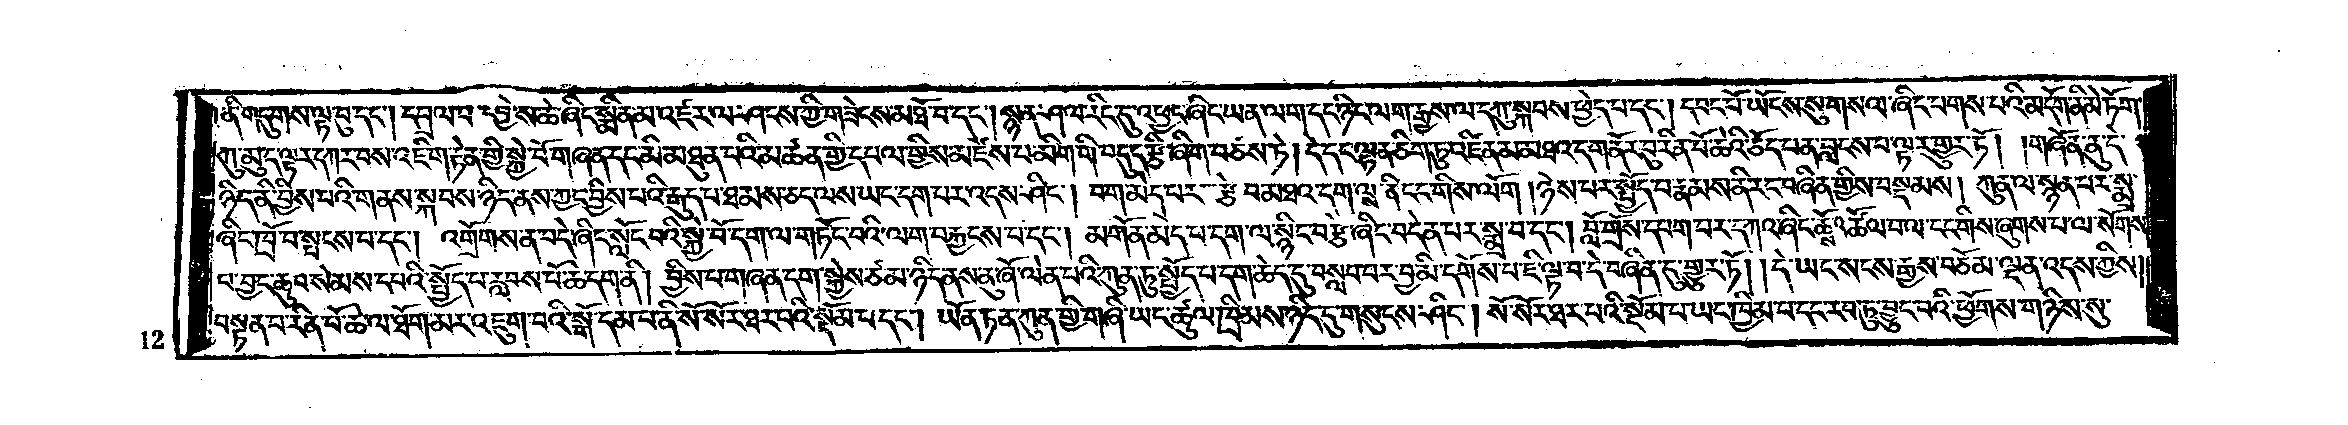ནི་གདུགས་ལྟ་བུ་དང་། དཔྲལ་བ་དབྱེ་ས་ཆེ་ཞིང་སྨིན་མ་འཛར་ལ་ཤངས་ཀྱི་གཟེངས་མཐོ་བ་དང་། སྙན་ཤལ་རིང་དུ་འཕྱང་ཞིང་ཡན་ལག་དང་ཉིང་ལག་རྒྱས་ལ་དཀུ་སྐབས་ཕྱེད་པ་དང་། དབང་པོ་ཡོངས་སུ་གསལ་ཞིང་པགས་པའི་མདོག་ནི་མེ་ཏོག་
ཀུ་མུ་ད་ལྟར་དཀར་བས་འཇིག་རྟེན་གྱི་སྐྱེ་བོ་གཞན་དང་མི་མཐུན་པའི་མཚན་གྱི་དཔལ་གྱིས་མཛེས་པ་མིག་གི་བདུད་རྩི་ཞིག་བཙས་ཏེ། དེ་དང་ལྷན་ཅིག་ཏུ་འཛིན་མ་མཐའ་དག་ནོར་བུ་རིན་པོ་ཆེའི་ཅོད་པ་ན་བླངས་པ་ལྟར་གྱུར་ཏོ། །གཞོན་ནུ་དེ་
ཉིད་ནི་བྱིས་པའི་གནས་སྐབས་ཉིད་ནས་ཀྱང་བྱིས་པའི་རྒུད་པ་ཐམས་ཅད་ལས་ཡང་དག་པར་འདས་ཤིང་། བག་མེད་པར་རྩེ་བ་མཐའ་དག་ལས་ནི་ངང་གིས་ལོག །ཉེས་པར་སྤྱོད་པ་རྣམས་ནི་རང་བཞིན་གྱིས་བསྡམས། ཀུན་ལ་སྙན་པར་སྨྲ་
ཞིང་ཁྲོ་བ་སྤངས་པ་དང་། འགྲོགས་ན་བདེ་ཞིང་སློང་བའི་སྐྱེ་བོ་དག་ལ་གཏོང་བའི་ལག་བརྐྱངས་པ་དང་། མགོན་མེད་པ་དག་ལ་སྙིང་བརྩེ་ཞིང་བདེན་པར་སྨྲ་བ་དང་། བློ་གྲོས་དཔག་པར་དཀའ་ཞིང་ཆོས་འཚོལ་བ་ལ་ངང་གིས་ཞུགས་པ་ལ་སོགས་
པ་བྱང་ཆུབ་སེམས་དཔའི་སྤྱོད་པ་རླབས་པོ་ཆེ་དག་ནི། བྱིས་པ་གཞན་དག་སྐྱེས་ཙམ་ཉིད་ནས་ནུ་ཞོ་ལེན་པའི་ཀུན་ཏུ་སྤྱོད་པ་དག་ཆེད་དུ་བསླབ་པར་བྱ་མི་དགོས་པ་ཇི་ལྟ་བ་དེ་བཞིན་དུ་གྱུར་ཏོ། །དེ་ཡང་སངས་རྒྱས་བཅོམ་ལྡན་འདས་ཀྱིས།
བསྟན་པ་རིན་པོ་ཆེ་ལ་ཐོག་མར་འཇུག་པའི་སྒོ་དམ་པ་ནི་སོ་སོར་ཐར་པའི་སྡོམ་པ་དང་། ཡོན་ཏན་ཀུན་གྱི་གཞི་ཡང་ཚུལ་ཁྲིམས་ཉིད་དུ་གསུངས་ཤིང་། སོ་སོར་ཐར་པའི་སྡོམ་པ་ཡང་ཁྱིམ་པ་དང་རབ་ཏུ་བྱུང་བའི་ཕྱོགས་གཉིས་སུ་